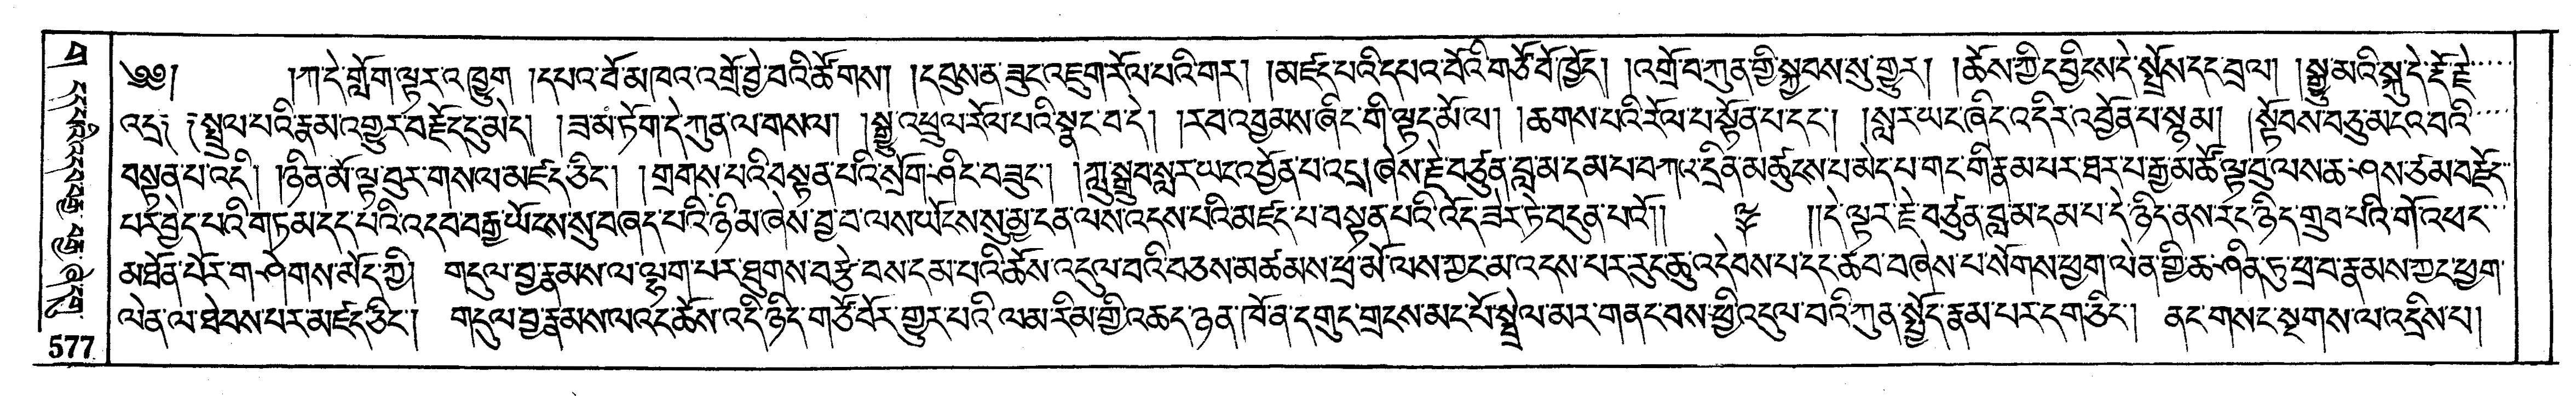༄༅། །ཀ་དེ་གློག་ལྟར་འཁྱུག །དཔའ་བོ་མཁའ་འགྲོ་བྱེ་བའི་ཆོགས། །དབུས་ན་ཟུང་འཇུག་རོལ་པའི་གར། །མཛད་པའི་དཔའ་བོའི་གཙོ་བོ་ཁྱོད། །འགྲོ་བ་ཀུན་གྱི་སྐྱབས་སུ་གྱུར། །ཆོས་ཀྱི་དབྱིངས་དེ་སྤྲོས་དང་བྲལ། །སྒྱུ་མའི་སྐུ་དེ་རྡོ་རྗེ་
འདྲ༑ ༑སྤྲུལ་པའི་རྣམ་འགྱུར་བརྗོད་དུ་མེད། །ཟ་མ་ཏོག་དེ་ཀུན་ལ་གསལ། །སྒྱུ་འཕྲུལ་རོལ་པའི་སྣང་བ་དེ། །རབ་འབྱམས་ཞིང་གི་ལྟད་མོ་ལ། །ཆགས་པའི་རོལ་པ་སྟོན་པ་དང་། །སླར་ཡང་ཞིང་འདིར་འབྱོན་པ་སྙམ། །སྟོབས་བཅུ་མངའ་པའི་
བསྟན་པ་འདི། །ཉིན་མོ་ལྟ་བུར་གསལ་མཛད་ཅིང་། །གྲགས་པའི་བསྟན་པའི་སྲོག་ཤིང་བཟུང་། །གླུ་སྒྲུབ་སླར་ཡང་འབྱོན་པ་འདྲ། ཞེས་རྗེ་བཙུན་བླ་མ་དམ་པ་བཀའ་དྲིན་མཚུངས་པ་མེད་པ་གང་གི་རྣམ་པར་ཐར་བ་རྒྱ་མཚོ་ལྟ་བུ་ལས་ཆ་ཤས་ཙམ་བརྗོད་
པར་བྱེད་པའི་གཏམ་དད་པའི་འདབ་བརྒྱ་ཡོངས་སུ་བཞད་པའི་ཉི་མ་ཞེས་བྱ་བ་ལས་ཡོངས་སུ་མྱ་ངན་ལས་འདས་པའི་མཛད་པ་བསྟན་པའི་འོད་ཟེར་ཏེ་བདུན་པའོ།། ༈ །།དེ་ལྟར་རྗེ་བཙུན་བླ་མ་དམ་པ་དེ་ཉིད་ནས་རང་ཉིད་འགྲུབ་པའི་གོ་འཕང་
མཐོན་པོར་གཤེགས་མོད་ཀྱི། གདུལ་བྱ་རྣམས་ལ་ལྷག་པར་ཐུགས་བརྩེ་བས་དམ་པའི་ཆོས་འདུལ་བའི་བཅས་མཚམས་ཕྲ་མོ་ལས་ཀྱང་མ་འདས་པར་རུང་ཆུ་འདེབས་པ་དང་ཆབ་བཞེས་པ་སོགས་ཕྱག་ལེན་གྱི་ཆ་ཤིན་ཏུ་ཕྲ་བ་རྣམས་ཀྱང་ཕྱག་
ལེན་ལ་ཐེབས་པར་མཛད་ཅིང་། གདུལ་བྱ་རྣམས་ལའང་ཆོས་འདི་ཉིད་གཙོ་བོར་གྱུར་པའི་ལམ་རིམ་གྱི་འཆད་ཉན་ཁོ་ན་དགུང་གྲངས་མང་པོ་སྦྲེལ་མར་གནང་བས་ཕྱི་འདུལ་བའི་ཀུན་སྤྱོད་རྣམ་པར་དག་ཅིང་། ནང་གསང་སྔགས་ལ་འདྲིས་པ།